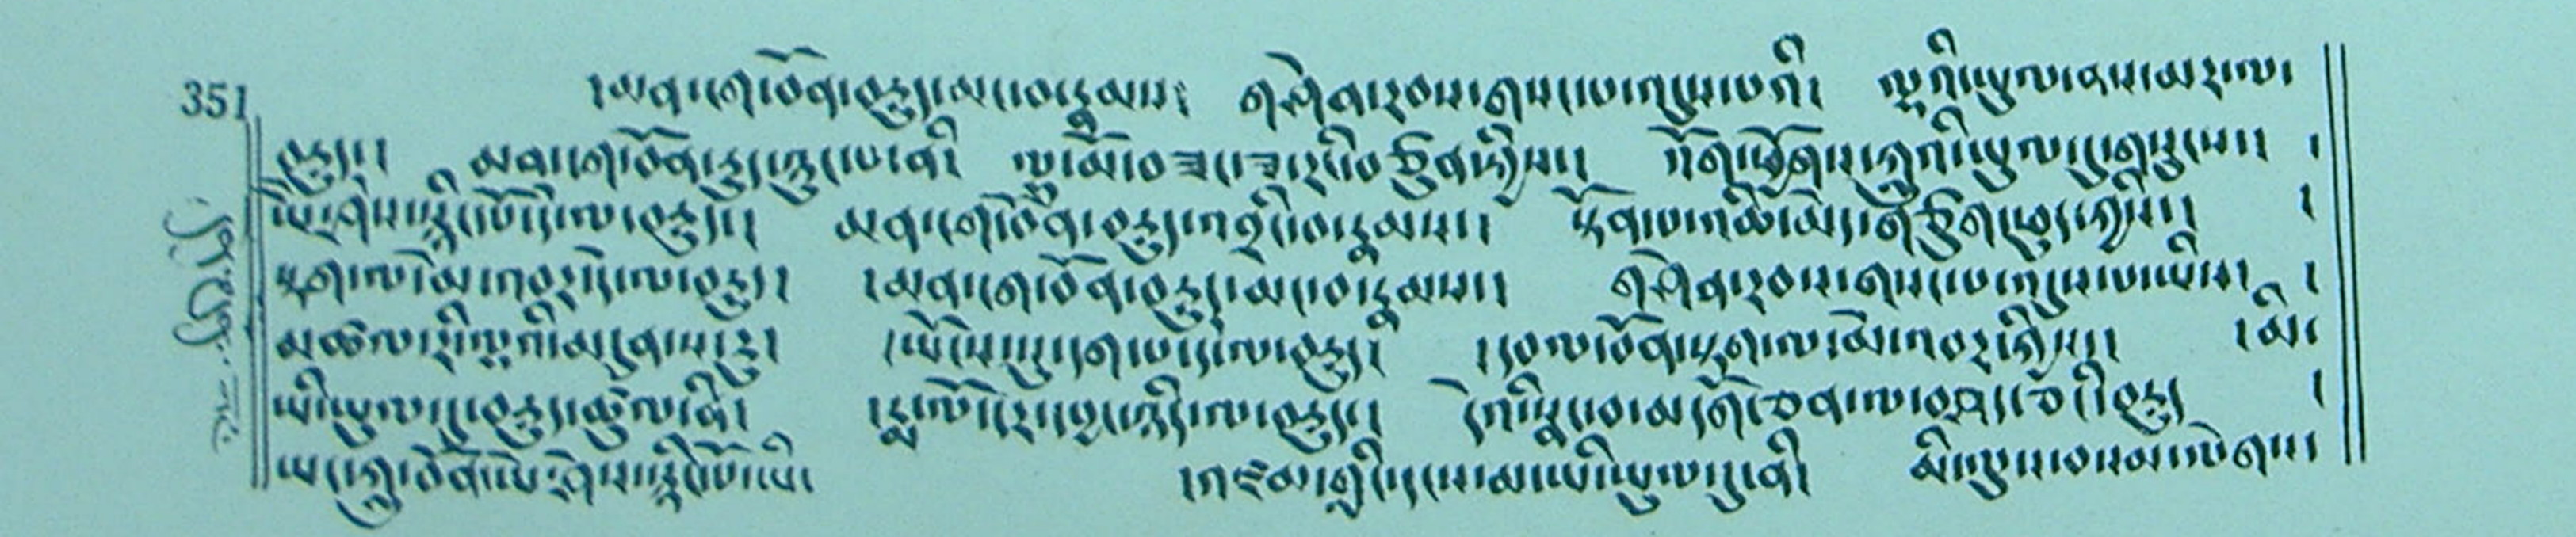༄༅། །མན་ངག་བོན་བརྒྱུད་མང་བ་རྣམས། གཤེན་རབས་གསང་བ་འདུས་པ་ཡིས། ལྷ་ཡི་ཡུལ་ནས་མར་ལ་
བརྒྱུད། མན་ངག་བོན་རྒྱུད་ཉུང་བ་རྣམས། ལྷ་མོ་བཟང་ཟ་རིང་བཙུན་གྱིས། འོག་ཕྱོགས་ཀླུའི་ཡུལ་དུ་གསུངས། 
ཡེ་ཤེས་སྙིང་པོ་དེ་ལ་བརྒྱུད། མན་ངག་བོན་བརྒྱུད་འབྲིང་བ་རྣམས། སྟོན་པ་འཆི་མེད་གཙུག་ཕུད་ཀྱིས། 
སྟག་ལྷ་མེ་འབར་དེ་ལ་བརྒྱུད། མན་ངག་བོན་རྒྱུད་མང་བ་རྣམས། གཤེན་རབས་གསང་བ་འདུས་པ་ཡིས། 
མཚལ་རི་ལྷ་ཡི་མདུན་ས་རུ། ཡོངས་སུ་དག་པ་དེ་ལ་བརྒྱུད། དབལ་བོན་སྟག་ལྷ་མེ་འབར་གྱིས། མི་
ཡི་ཡུལ་དུ་བརྒྱུད་ཚུལ་ནི། རྨ་ལོ་དར་དཔྱང་ཉིད་ལ་བརྒྱུད། དེའི་སྣང་བ་མདོག་ཅན་ལ་བཤད་ཅིང་བརྒྱུད། 
ཡང་ཀླུ་བོན་ཡེ་ཤེས་སྙིང་པོ་ཡིས། འཛམ་གླིང་དྭངས་མའི་ཡུལ་དུ་ནི། མི་ལུས་བསམ་ལེགས་